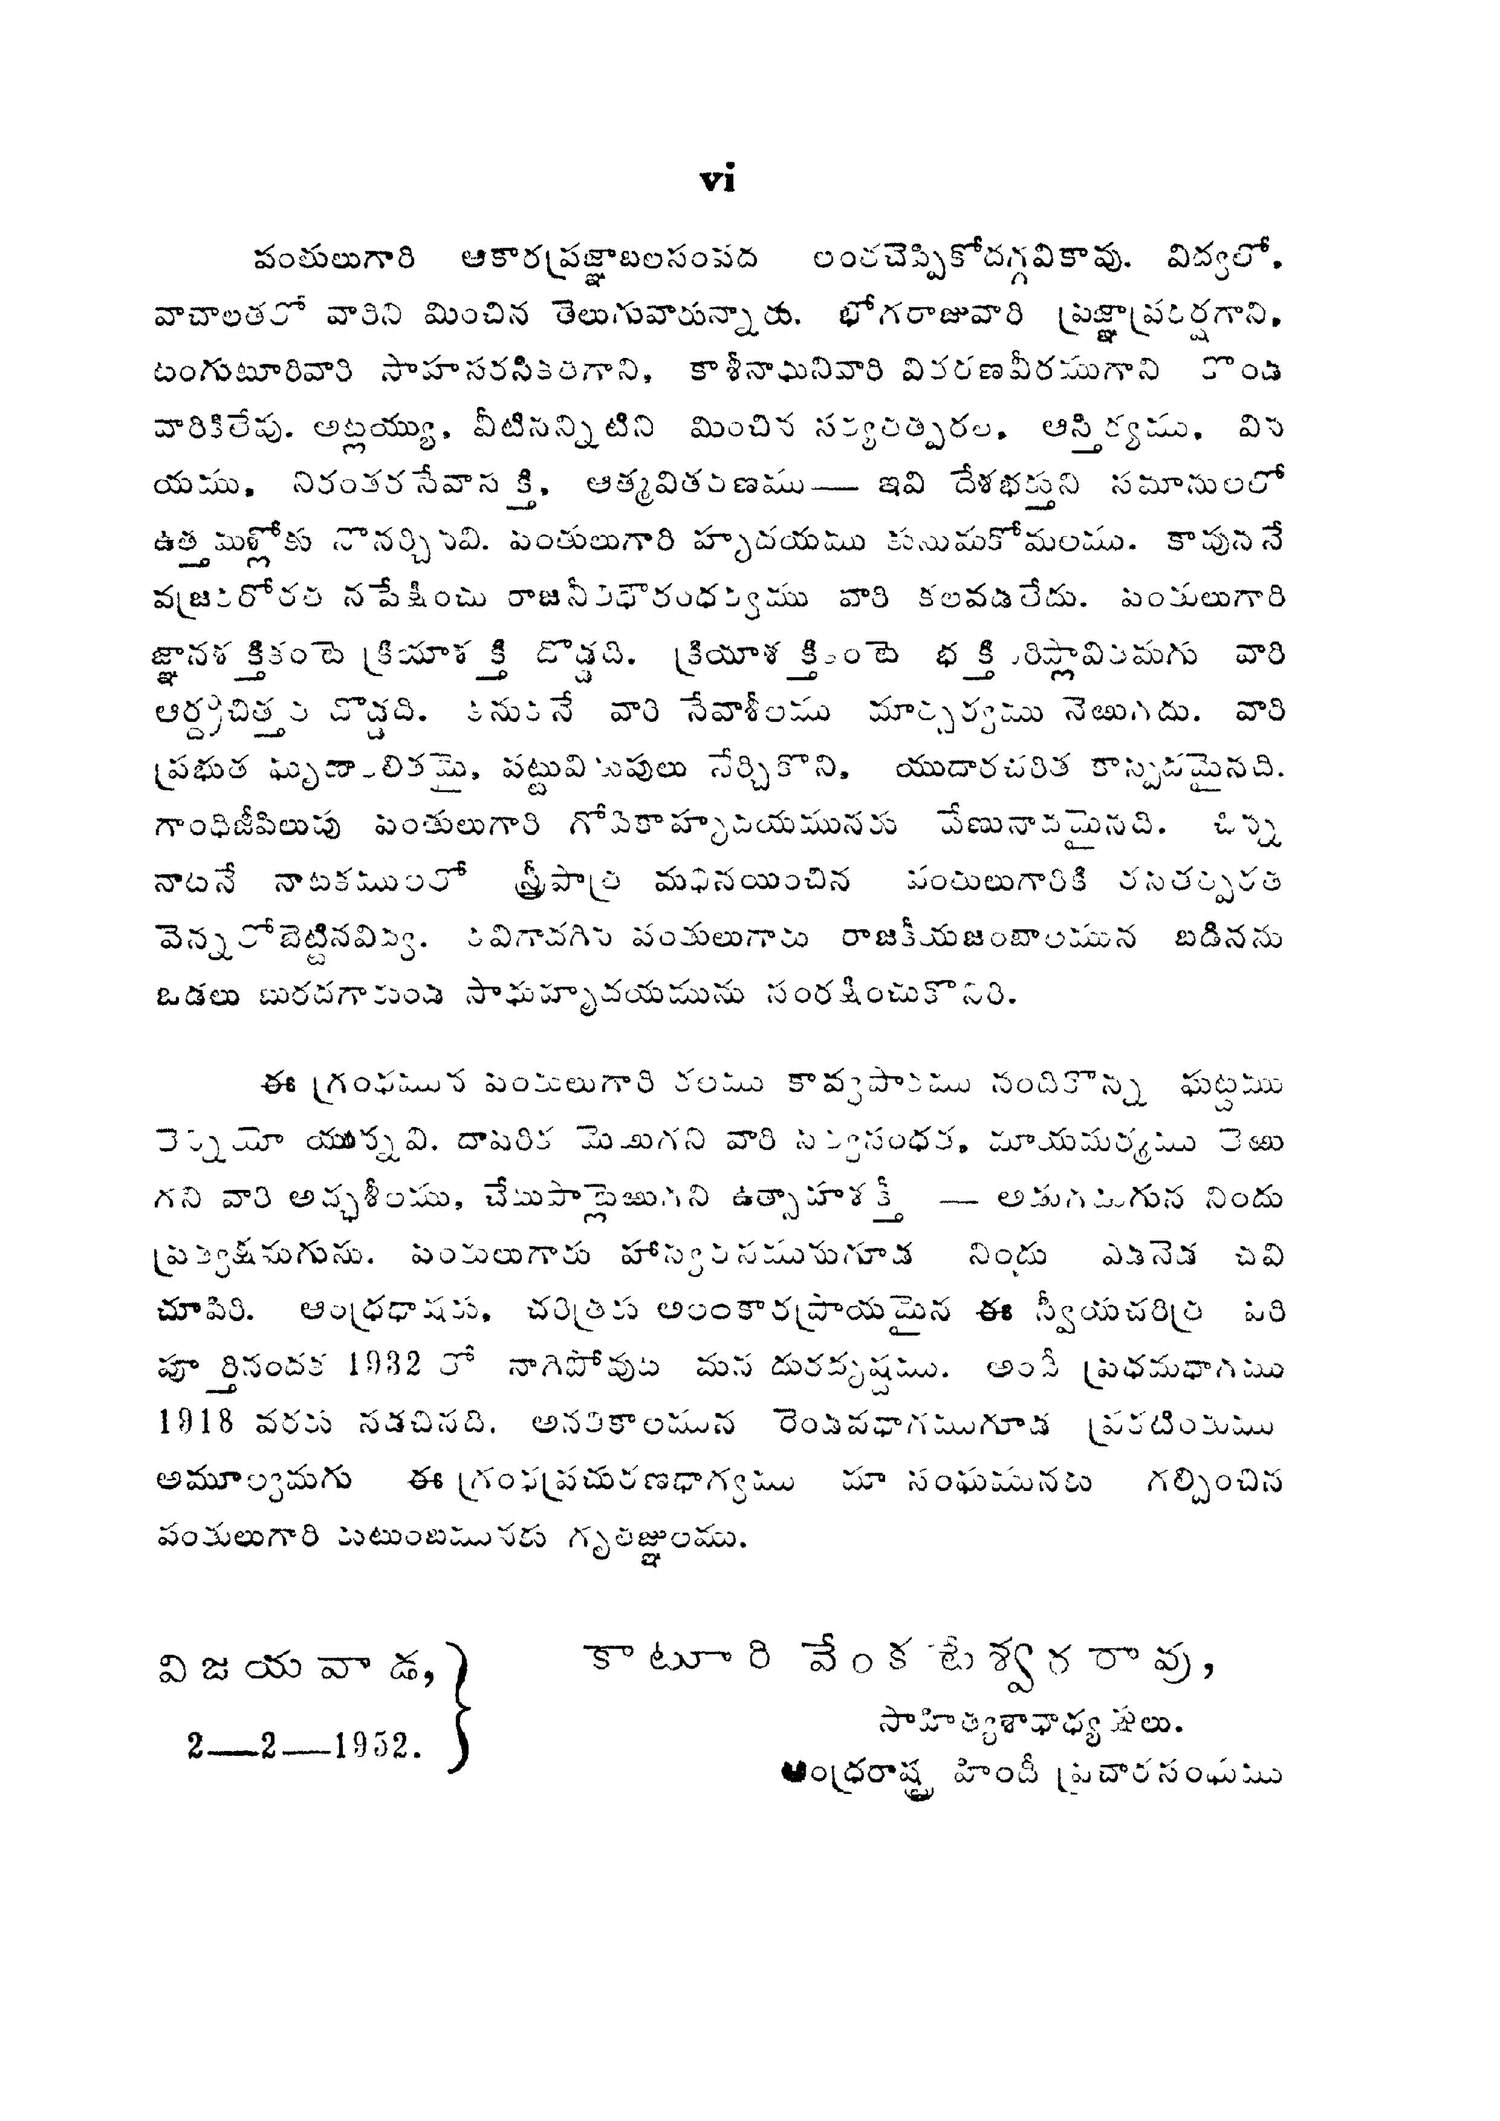పంతులుగారి ఆకారప్రజ్ఞాబలసంపద లంతచెప్పుకోదగ్గవికావు. విద్యలో, వాచాలతలో వారిని మించిన తెలుగువారున్నారు. భోగరాజువారి ప్రజ్ఞాప్రకర్షగాని, టంగుటూరివారి సాహసరసికతగాని, కాశీనాథునివారి వితరణవీరముగాని కొండ వారికిలేవు. అట్లయ్యు, వీటినన్నిటిని మించిన సత్యతత్పరల, ఆస్తిక్యము, వినయము, నిరంతరసేవాసక్తి, ఆత్మవితరణము - ఇవి దేశభక్తుని సమానులలో ఉత్తమళ్లోకు నొనర్చినవి. పంతులుగారి హృదయము కుసుమకోమలము. కావుననే వజ్రకరోరత నపేక్షించు రాజనీతిధౌరంధర్యము వారి కలవడలేదు. పంతులుగారి జ్ఞానశక్తికంటె క్రియాశక్తి దొడ్డది. క్రియాశక్తికంటె భక్తిపరిప్లావితమగు వారి ఆర్ద్రచిత్తత దొడ్డది. కనుకనే వారి సేవాశీలము మాత్సర్యము నెఱుగదు. వారి ప్రభుత ఘృణాలలితమై, పట్టువిడుపులు నేర్చికొని, యుదారచరిత కాస్పదమైనది. గాంధిజీపిలుపు పంతులుగారి గోపికాహృదయమునకు వేణునాదమైనది. చిన్ననాటనే నాటకములలో స్త్రీపాత్ర మధినయించిన పంతులుగారికి రసతత్పరత వెన్నతోబెట్టినవిద్య. కవిగాదగిన పంతులుగారు రాజకీయజంబాలమున బడినను ఒడలు బురదగాకుండ సాధుహృదయమును సంరక్షించుకొనిరి. 

ఈ గ్రంథమున పంతులుగారి కలము కావ్యపాకము నందికొన్న ఘట్టము లెన్నియో యున్నవి. దాపరిక మెఱుగని వారి సత్యసంధత, మాయమర్మము లెఱుగని వారి అచ్ఛశీలము, చేటుపాట్లెఱుగని ఉతాహశక్తీ - అడుగడుగున నిందు ప్రత్యక్షమగును. పంతులుగారు హాస్యరసమునుగూడ నిందు ఎడనెడ చవి చూపిరి. ఆంధ్రభాషకు, చరిత్రకు అలంకారప్రాయమైన ఈ స్వీయచరిత్ర పరిపూర్తినందక 1932 లో నాగిపోవుట మన దురదృష్టము. అందీ ప్రధమభాగము 1918 వరకు నడచినది. అనతికాలమున రెండవభాగముగూడ ప్రకటింతుము. అమూల్యమగు ఈ గ్రంథప్రచురణభాగ్యము మా సంఘమునకు గల్పించిన పంతులుగారి కుటుంబమునకు గృతజ్ఞులము.